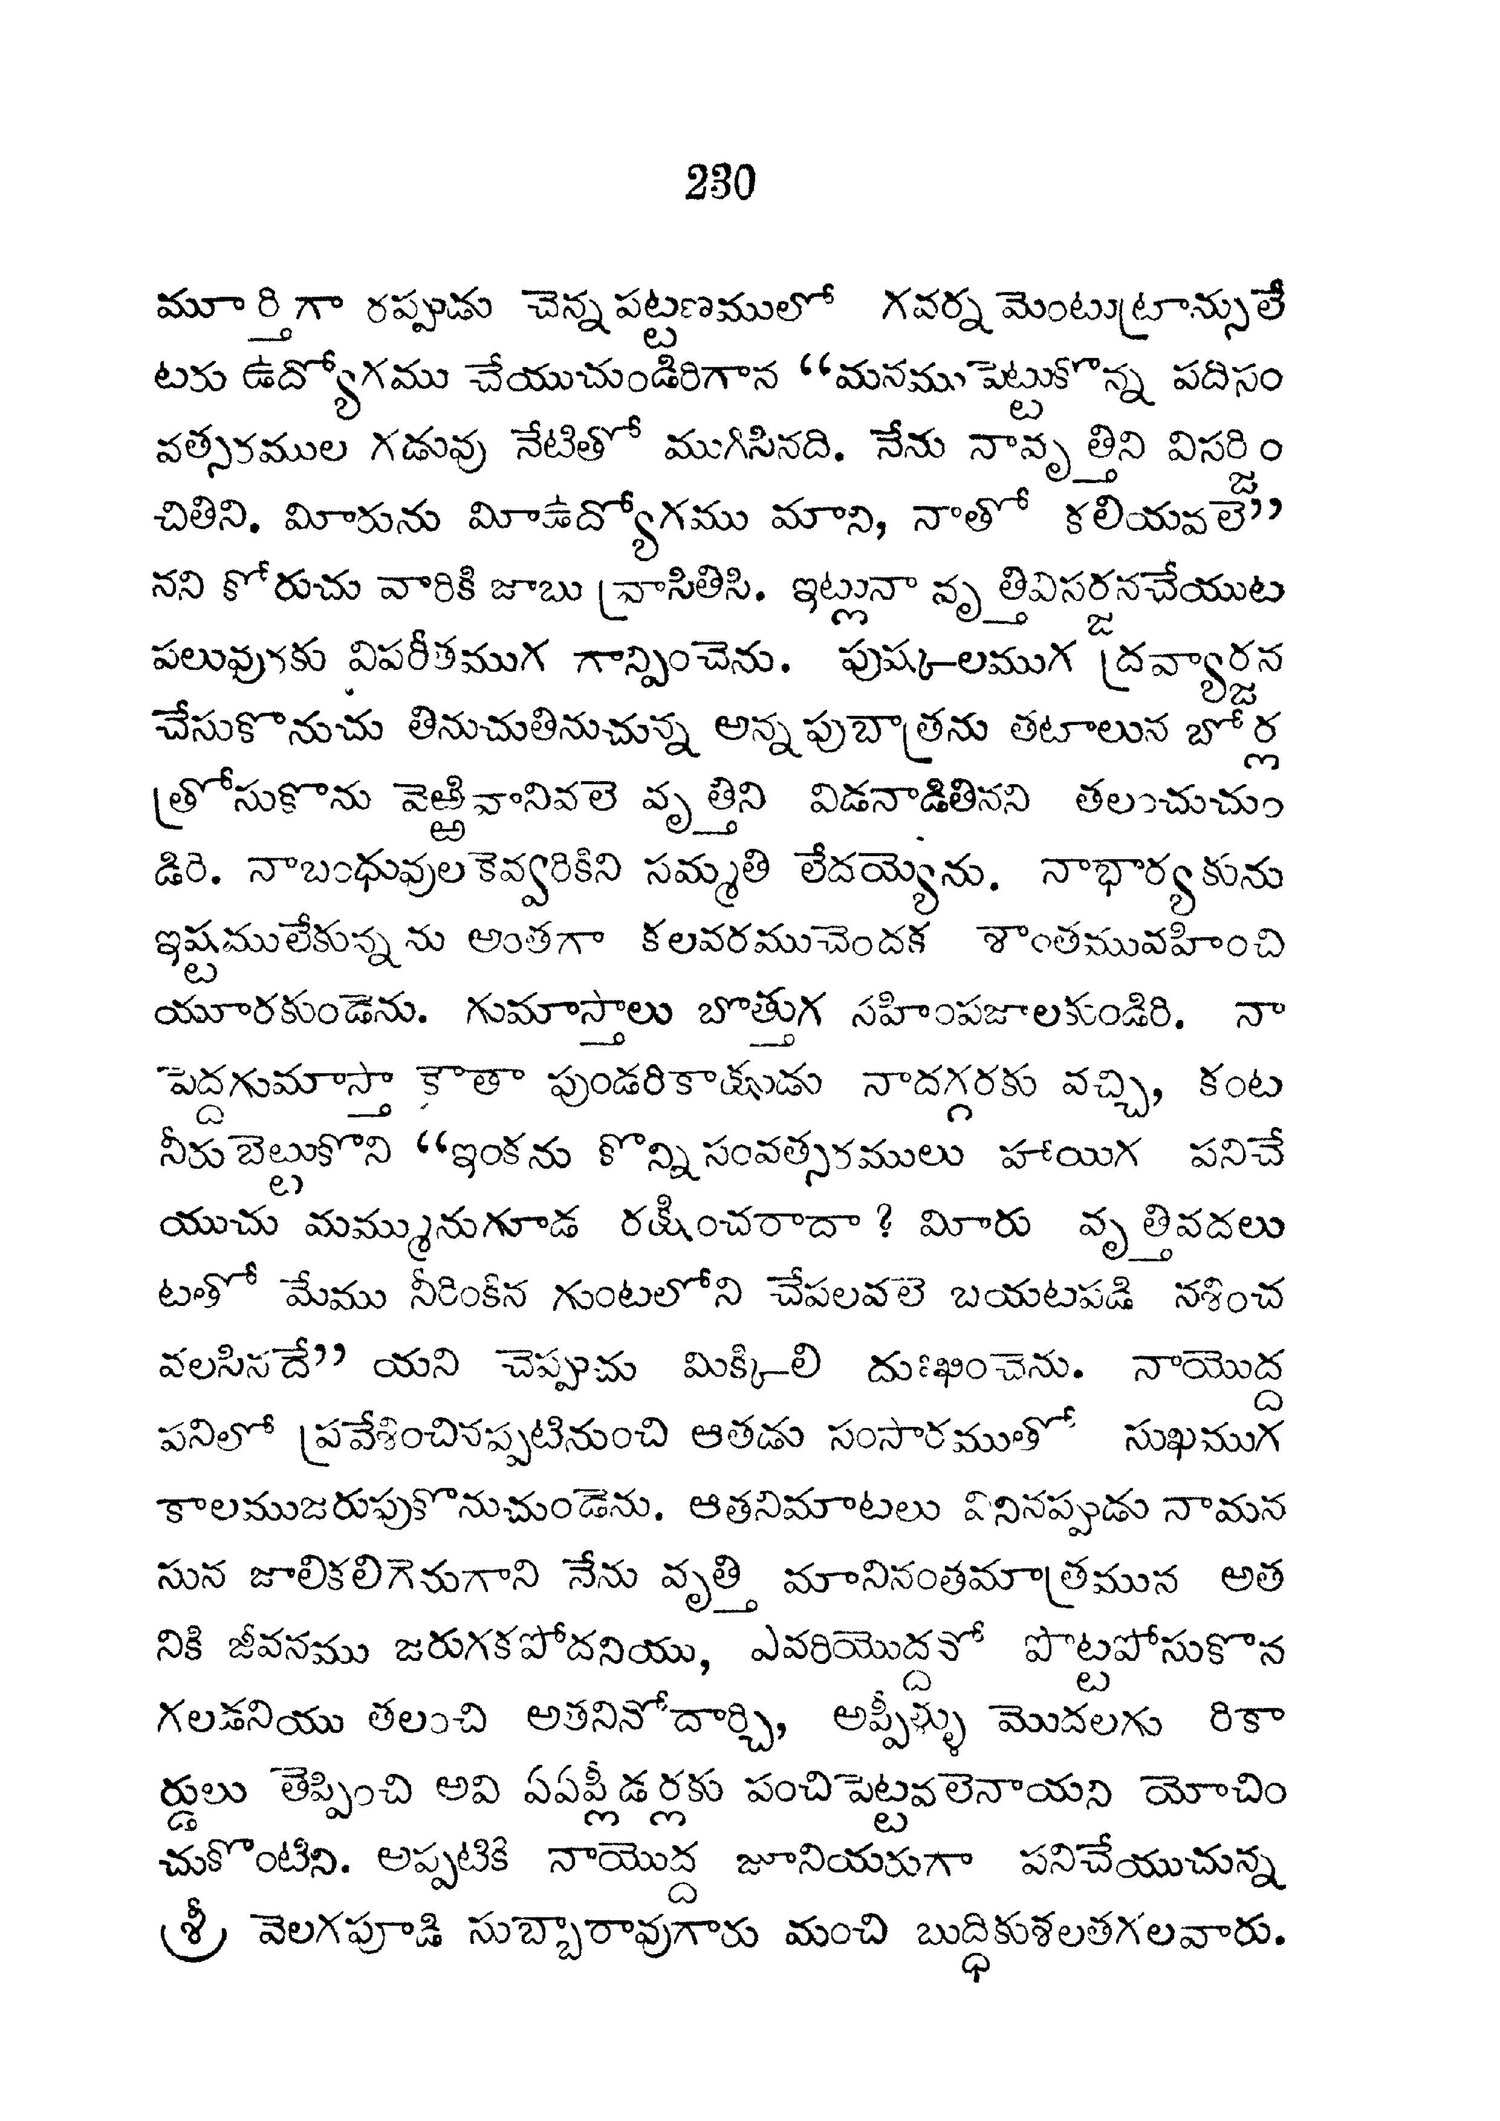మూర్తిగా రప్పుడు చెన్నపట్టణములో గవర్నమెంటుట్రాన్సులేటరు ఉద్యోగము చేయుచుండిరిగాన "మనముపెట్టుకొన్న పదిసంవత్సరములు గడువు నేటితో ముగిసినది. నేను నావృత్తిని విసర్జించితిని, మీరును మీఉద్యోగము మాని, నాతో కలియవలె" నని కోరుచు వారికి జాబు వ్రాసితిని. ఇట్లునా వృత్తివిసర్జనచేయుట పలువురకు విపరీతముగ గాన్పించెను. పుష్కలముగ ద్రవ్యార్జన చేసుకొనుచు తినుచుతినుచున్న అన్నపుబాత్రను తటాలున బోర్లత్రోసుకొను వెఱ్ఱివానివలె వృత్తిని విడనాడితినని తలంచుచుండిరి. నాబంధువులకెవ్వరికిని సమ్మతి లేదయ్యెను. నాభార్యకును ఇష్టములేకున్నను అంతగా కలవరముచెందక శాంతమువహించి యూరకుండెను. గుమాస్తాలు బొత్తుగ సహింప జాలకుండిరి. నా పెద్దగుమాస్తా కౌతా పుండరికాక్షుడు నాదగ్గరకువచ్చి, కంట నీరుబెట్టుకొని "ఇంకను కొన్నిసంవత్సరములు హాయిగా పనిచేయుచు మమ్మునుగూడ రక్షించరాదా? మీరు వృత్తివదలుటతో మేము నీరింకిన గుంటలోని చేపలవలె బయటపడి నశించవలసినదే" యని చెప్పుచు మిక్కిలి దు:ఖించెను. నాయొద్దపనిలో ప్రవేశించినప్పటినుంచి అతడు సంసారముతో సుఖముగ కాలము జరుపుకొనుచుండెను. ఆతనిమాటలు వినినప్పుడు నామనసున జాలికలిగెనుగాని నేను వృత్తి మానినంతమాత్రమున అతనికి జీవనము జరుగకపోదనియు, ఎవరియొద్దనో పొట్టపోసుకొన గలడనియు తలంచి అతనినోదార్చి, అప్పీళ్ళు మొదలగు రికార్డులు తెప్పించి అవి ఏఏప్లీడర్లకు పంచిపెట్టవలెనాయని యోచించుకొంటిని. అప్పటికి నాయొద్ద జూనియరుగా పనిచేయుచున్న శ్రీ వెలగపూడి సుబ్బారావుగారు మంచి బుద్ధికుశలతగలవారు.